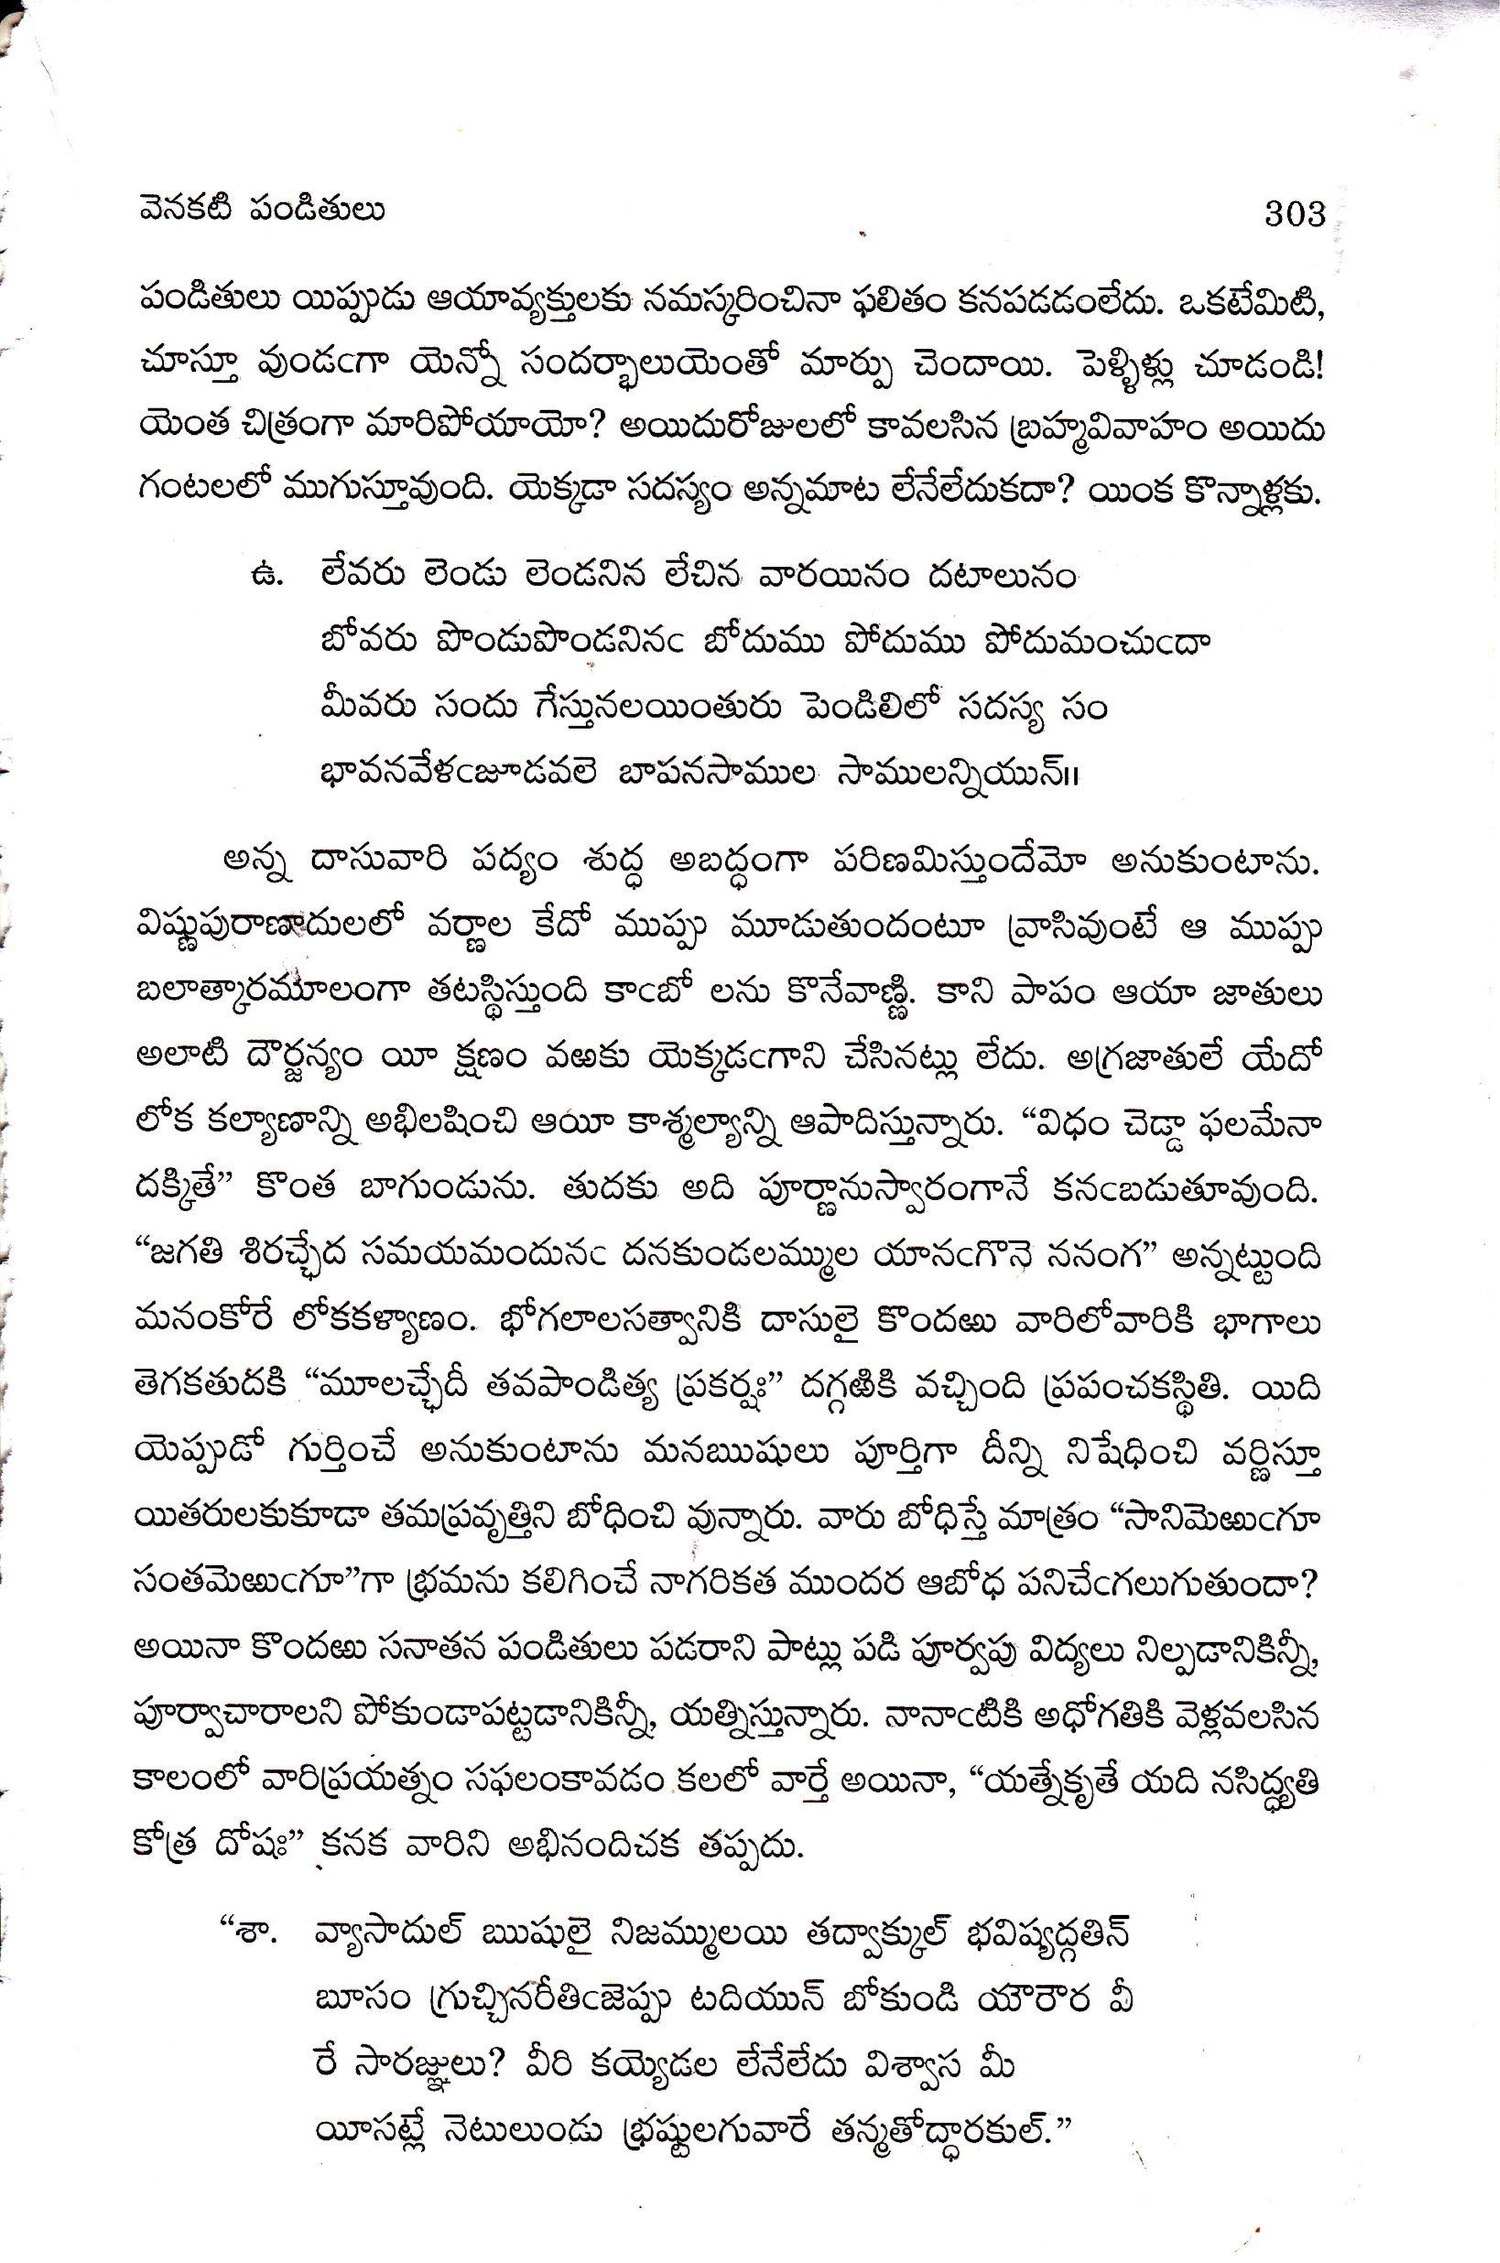పండితులు యిప్పుడు ఆయావ్యక్తులకు నమస్కరించినా ఫలితం కనపడడంలేదు. ఒకటేమిటి, చూస్తూ వుండఁగా యెన్నో సందర్భాలుయెంతో మార్పు చెందాయి. పెళ్ళిళ్లు చూడండి! యెంత చిత్రంగా మారిపోయాయో? అయిదురోజులలో కావలసిన బ్రహ్మవివాహం అయిదు గంటలలో ముగుస్తూవుంది. యెక్కడా సదస్యం అన్నమాట లేనేలేదుకదా? యింక కొన్నాళ్లకు.

ఉ. లేవరు లెండు లెండనిన లేచిన వారయినం దటాలునం
 బోవరు పొండుపొండనినఁ బోదుము పోదుము పోదుమంచుఁదా 
 మీవరు సందు గేస్తునలయింతురు పెండిలిలో సదస్య సం 
 భావనవేళజూడవలె బాపనసాముల సాములన్నియున్
అన్న దాసువారి పద్యం శుద్ధ అబద్ధంగా పరిణమిస్తుందేమో అనుకుంటాను. విష్ణుపురాణాదులలో వర్ణాల కేదో ముప్పు మూడుతుందంటూ వ్రాసివుంటే ఆ ముప్పు బలాత్కారమూలంగా తటస్థిస్తుంది కాఁబో లను కొనేవాణ్ణి. కాని పాపం ఆయా జాతులు అలాటి దౌర్జన్యం యీ క్షణం వఱకు యెక్కడఁగాని చేసినట్లు లేదు. అగ్రజాతులే యేదో లోక కల్యాణాన్ని అభిలషించి ఆయీ కాశ్మల్యాన్ని ఆపాదిస్తున్నారు. “విధం చెడ్డా ఫలమేనా దక్కితే" కొంత బాగుండును. తుదకు అది పూర్ణానుస్వారంగానే కనఁబడుతూవుంది. “జగతి శిరచ్ఛేద సమయమందునఁ దనకుండలమ్ముల యానఁగొనె ననంగ" అన్నట్టుంది మనంకోరే లోకకళ్యాణం. భోగలాలసత్వానికి దాసులై కొందఱు వారిలోవారికి భాగాలు తెగకతుదకి “మూలచ్ఛేదీ తవపాండిత్య ప్రకర్షః" దగ్గఱికి వచ్చింది ప్రపంచకప్టితి. యిది యెప్పడో గుర్తించే అనుకుంటాను మనఋషులు పూర్తిగా దీన్ని నిషేధించి వర్ణిస్తూ యితరులకుకూడా తమప్రవృత్తిని బోధించి వున్నారు. వారు బోధిస్తే మాత్రం "సానిమెఱుఁగూ సంతమెఱుఁగూ"గా భ్రమను కలిగించే నాగరికత ముందర ఆబోధ పనిచేఁగలుగుతుందా? అయినా కొందఱు సనాతన పండితులు పడరాని పాట్లు పడి పూర్వపు విద్యలు నిల్పడానికిన్నీ పూర్వాచారాలని పోకుండాపట్టడానికిన్నీ యత్నిస్తున్నారు. నానాఁటికి అధోగతికి వెళ్లవలసిన కాలంలో వారిప్రయత్నం సఫలంకావడం కలలో వార్తె అయినా, "యత్నేకృతే యది నసిద్ధ్యతి కోత్ర దోష” కనక వారిని అభినందిచక తప్పదు.

“శా. వ్యాసాదుల్ ఋషులై నిజమ్ములయి తద్వాక్కుల్ భవిష్యద్గతిన్ 
 బూసం గ్రుచ్చినరీతిఁజెప్పు టదియున్ బోకుండి యౌరౌర వీ 
 రే సారజ్ఞులు? వీరి కయ్యెడల లేనేలేదు విశ్వాస మీ 
 యీసట్లే నెటులుండు భ్రష్టులగువారే తన్మతోద్ధారకుల్."